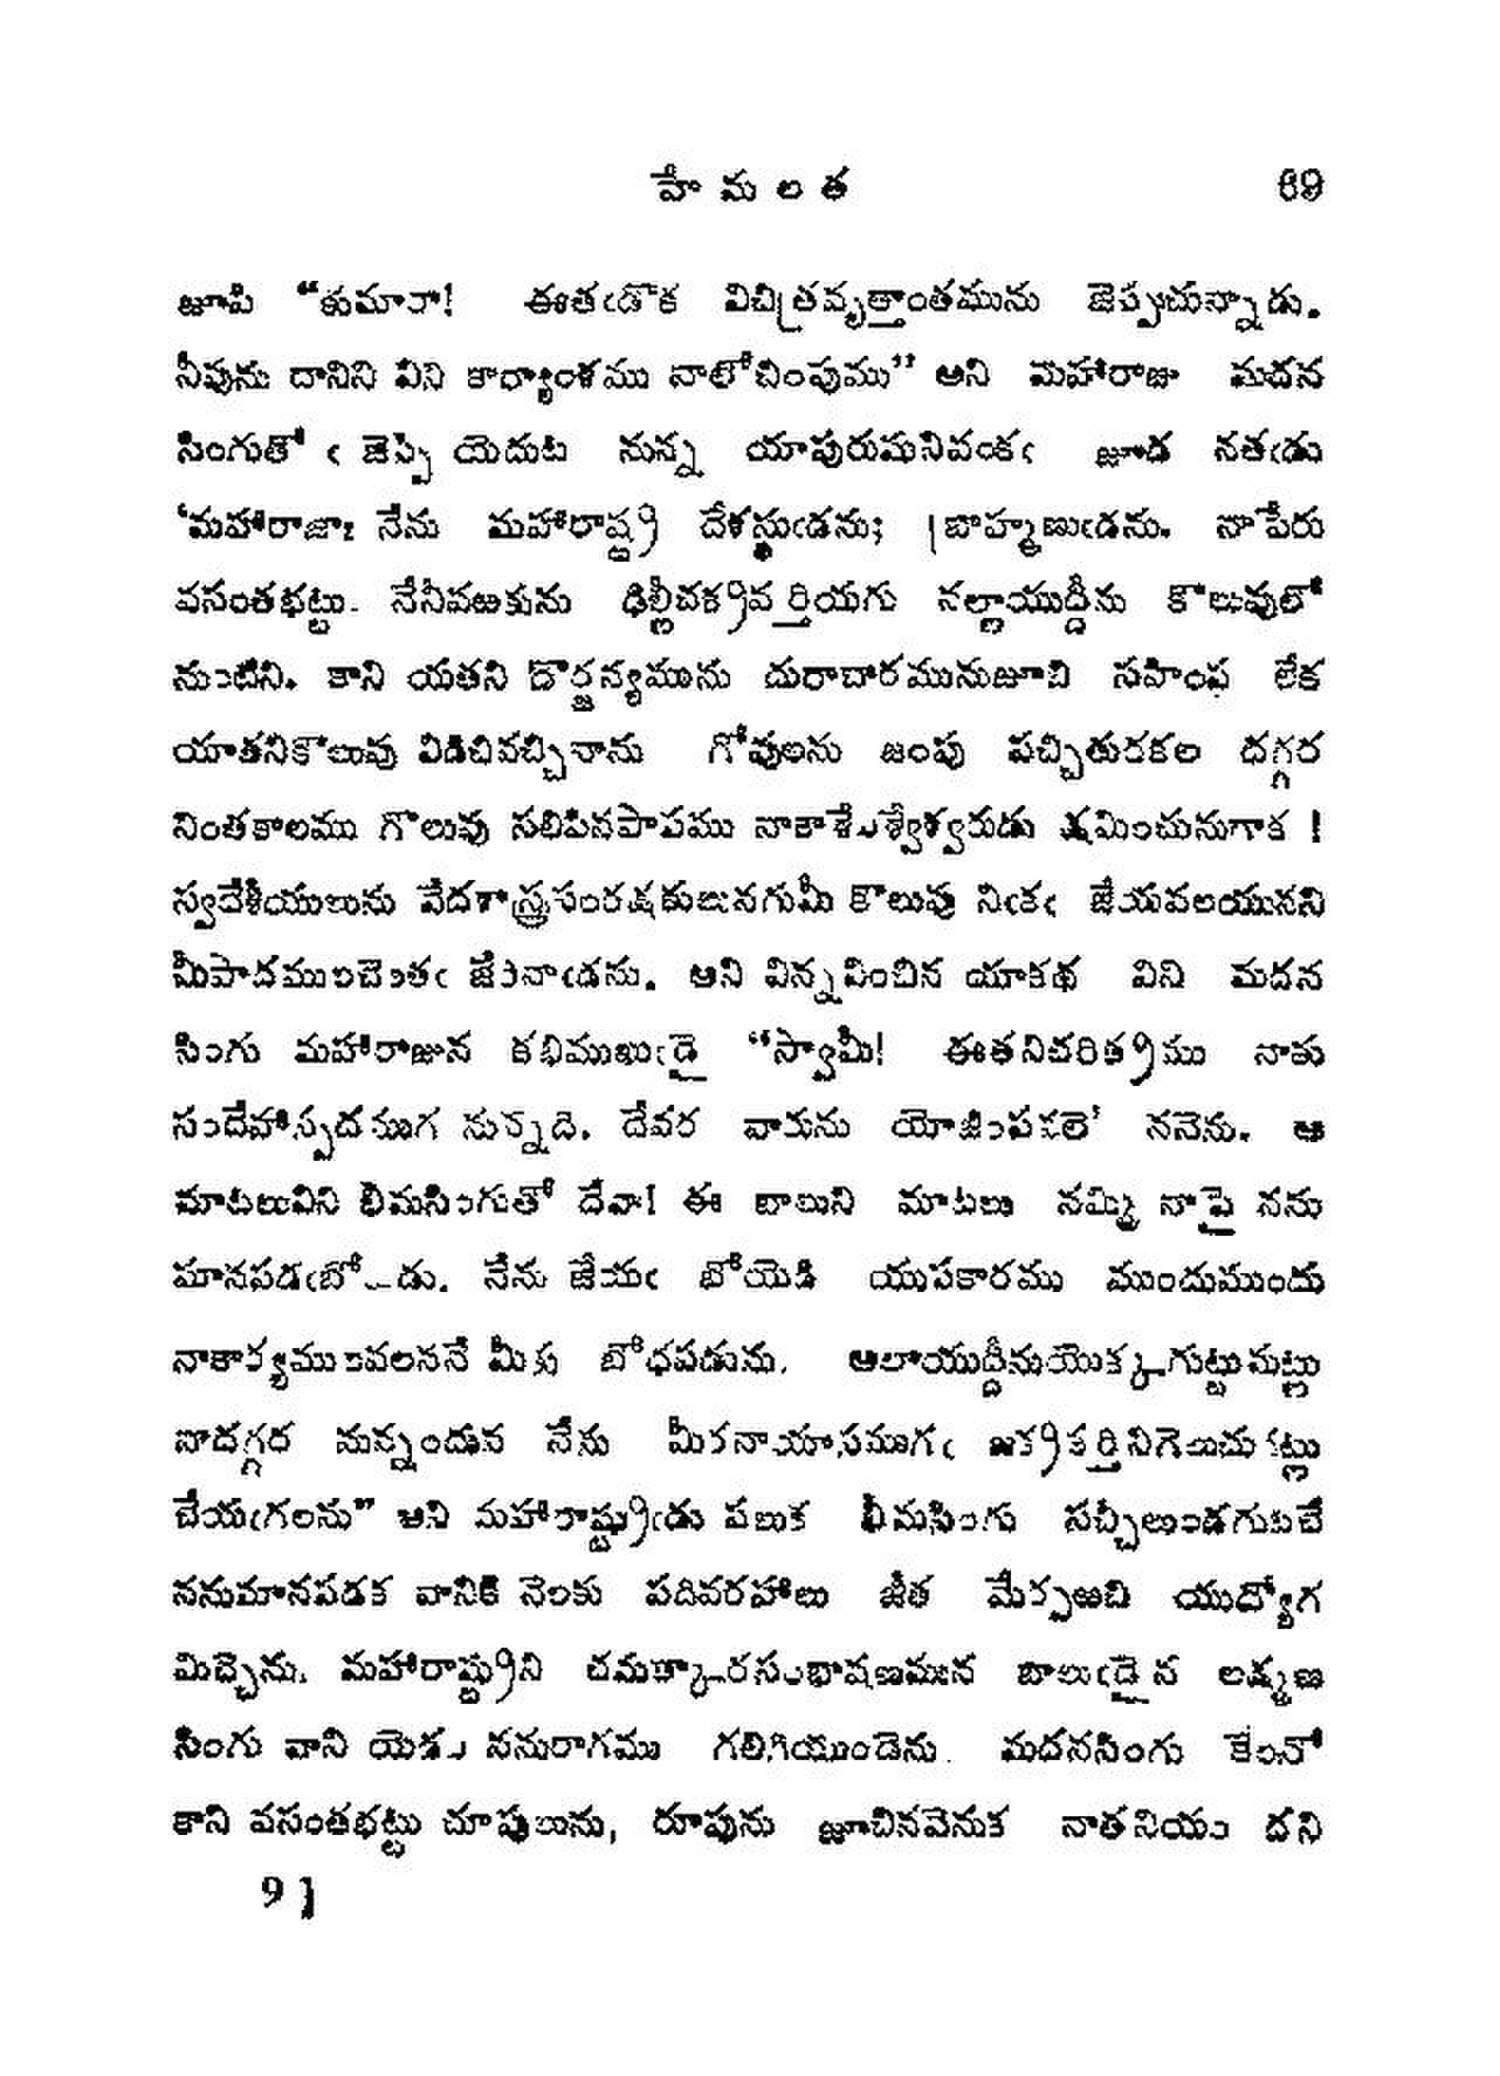జూపి “కుమారా! ఈతఁడొక విచిత్రవృత్తాంతమును జెప్పుచున్నాడు. నీవును దానిని విని కార్యాంశము నాలోచింపుము” అని మహారాజు మదనసింగుతో జెప్పి యెదుట నున్న యాపురుషునివంకఁ జూడ నతఁడు ‘మహారాజా! నేను మహారాష్ట్ర దేశస్థుఁడను; బ్రాహ్మణుఁడను. నా పేరు వసంతభట్టు. నేనీవఱకును ఢిల్లీచక్రవర్తియగు నల్లాయుద్దీను కొలువులో నుంటిని. కాని యతని దౌర్జన్యమును దురాచారమునుజూచి సహింపలేక యాతని కొలువు విడిచి వచ్చినాను. గోవులను జంపు పచ్చితురకల దగ్గర నింతకాలము గొలువు సలిపిన పాపము నాకాశీవిశ్వేశ్వరుడు క్షమించుగాక! స్వదేశీయులును వేదశాస్త్రసంరక్షకులునగు మీకొలువు నిఁకఁ జేయవలయునని మీపాదములచెంతఁ జేరినాఁడను. అని విన్నవించిన యాకథ విని మదనసింగు మహారాజున కభిముఖుడై “స్వామీ! ఈతనిచరిత్రము నాకు సందేహాస్పదముగ నున్నది. దేవర వారును యోజింపవలె” ననెను. ఆ మాటలువిని భీమసింగుతో దేవా! ఈ బాలుని మాటలు నమ్మి నాపై ననుమానపడఁ బోకుడు. నేను జేయఁ బోయెడి యుపకారము ముందుముందు నా కార్యములవలనే మీకు బోధపడును. అలాయుద్దీను యొక్క గుట్టుమట్లు నాదగ్గర నున్నందున నేను మీ రనాయాసముగఁ జక్రవర్తిని గెలుచునట్లు చేయఁగలను” అని మహరాష్ట్రుఁడు పలుక భీమసింగు సచ్చీలుండగుట చే ననుమానపడక వానికి నెలకు పదివరహాలు జీత మేర్పఱచి యుద్యోగమిచ్చెను. మహారాష్ట్రుని చమత్కారసంభాషణమున బాలుఁడైన లక్ష్మణసింగు వాని యెడల ననురాగము గలిగియుండెను. మదనసింగు కేలనో కాని వసంతభట్టు చూపులును, రూపును జూచినవెనుక నాతనియం దని